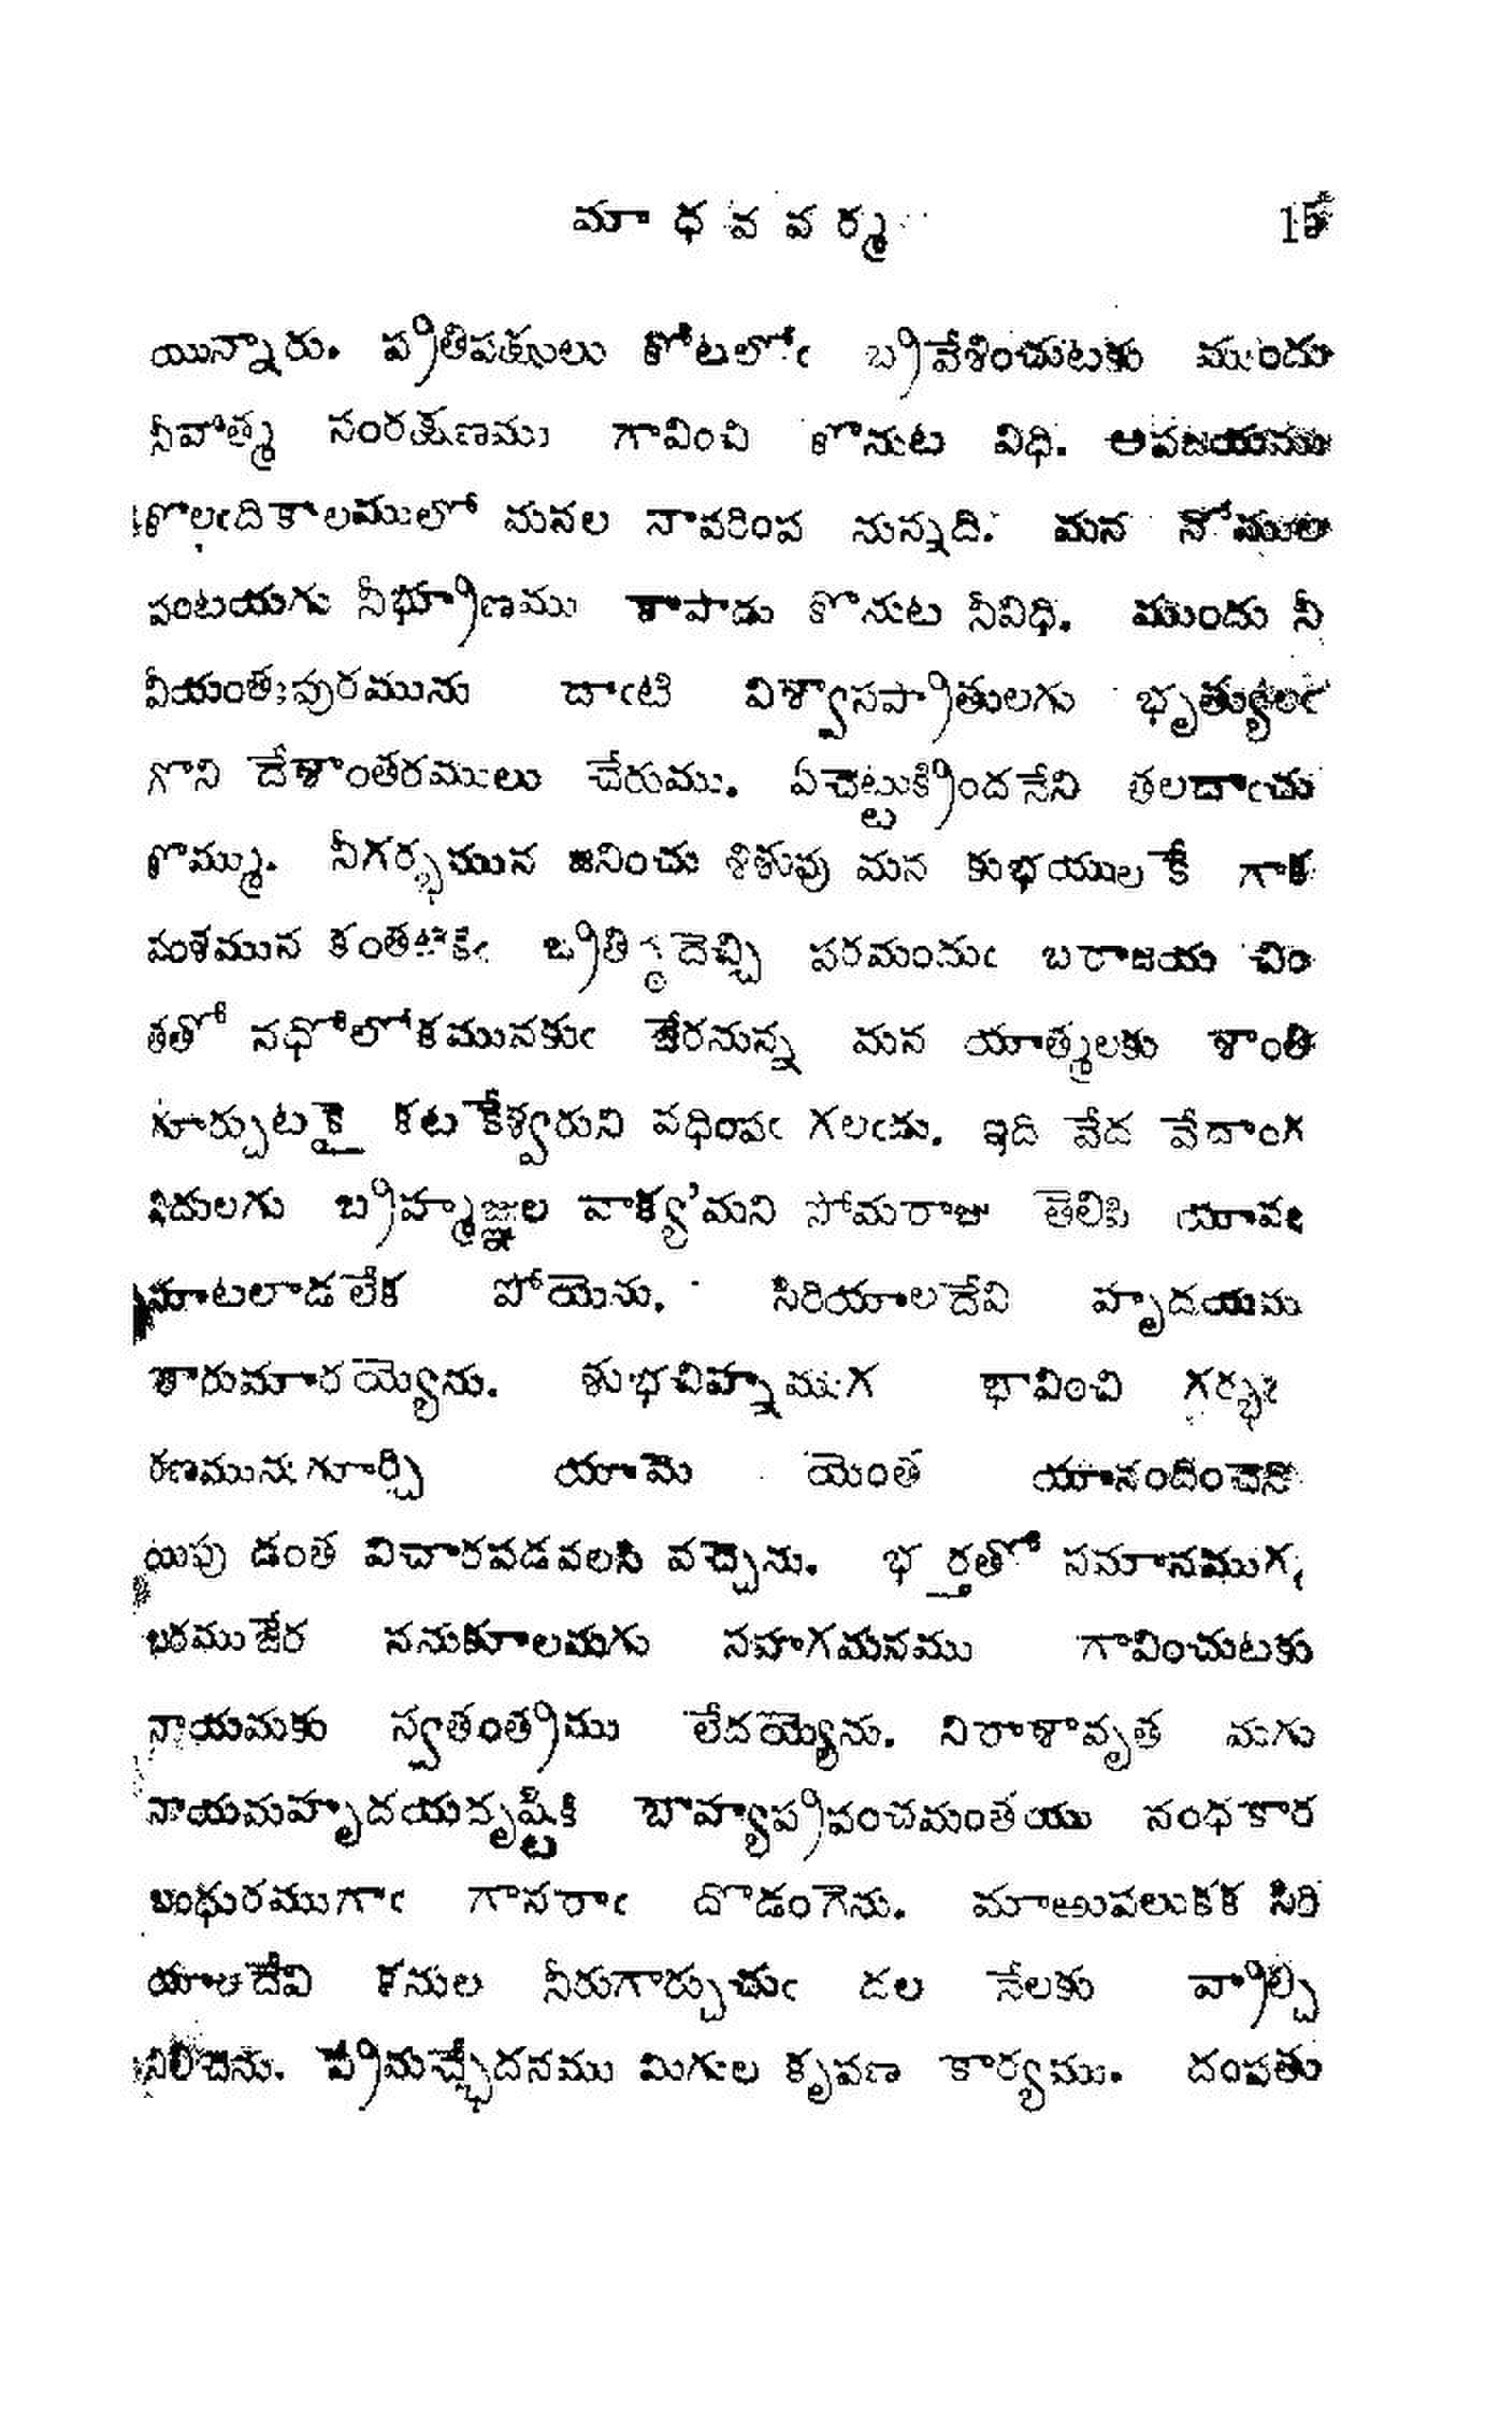యున్నారు. ప్రతిపక్షులు కోటలో బ్రవేశించుటకు ముందు నీవొత్మ సంరక్షనము గావించి కొనుట విధి. అపజయము కొలదికాలములో మనల నావరింప నున్నది. మన నోముల పంటయగు నీభ్రూణము కాపాడుకొనుట నీవిధి. ముందు నీ వీయంత:వురమును దాటి విశ్వాసప్రాతులగు భృత్యులగొని దేశాంతరములు చేరుము. ఏచెట్టుక్రిందననేని తలదాచుకొమ్ము. నీగర్భమున జన్మించు శిశువు మన కుభయులకే గాక వంశమున కంతటికి బ్రతిష్టదెచ్చి పరమందు బరాజయ చింతతో నధోలోకమునకు జేరనున్న మన యాత్మలకు శాంతి గూర్చుటకై కతకేశ్వరుని వధింప గలడు. ఇది వేద వేద్దంగవిదులగు బ్రహ్మజ్ఞలలు వాక్య 'మని సోమరాజు తెలిపి యావల మాటలాడలేక పోయెను. సిరియాలదేవి హృదయమ తారుమారయ్యెను. శుభచిహ్నముగ భావించి గర్భరణమునుగూర్చి యామె యెంత యానందించెసియిపు డంత విచారపడవలసి వచ్చెను. భర్తతో సమానముగ బరముజేర ననుకూలమగు సహగమనము గావించుటకు నాయమకు స్వతంత్రము లేదయ్యెను. నిరాశావృత మగు నాయమహృదయదృష్టికి బాహ్యప్రపంచమంతయు నంధకారబంధురముగా గానరా దొడంగెను. మాఱుపలుకక సిరియాలదేవి కనుల నీరుగార్చుచు డల నేలకు వ్రాలినిలిచెను. ప్రేమచ్చేదనము మిగుల కృపణ కార్యము. దంపతు